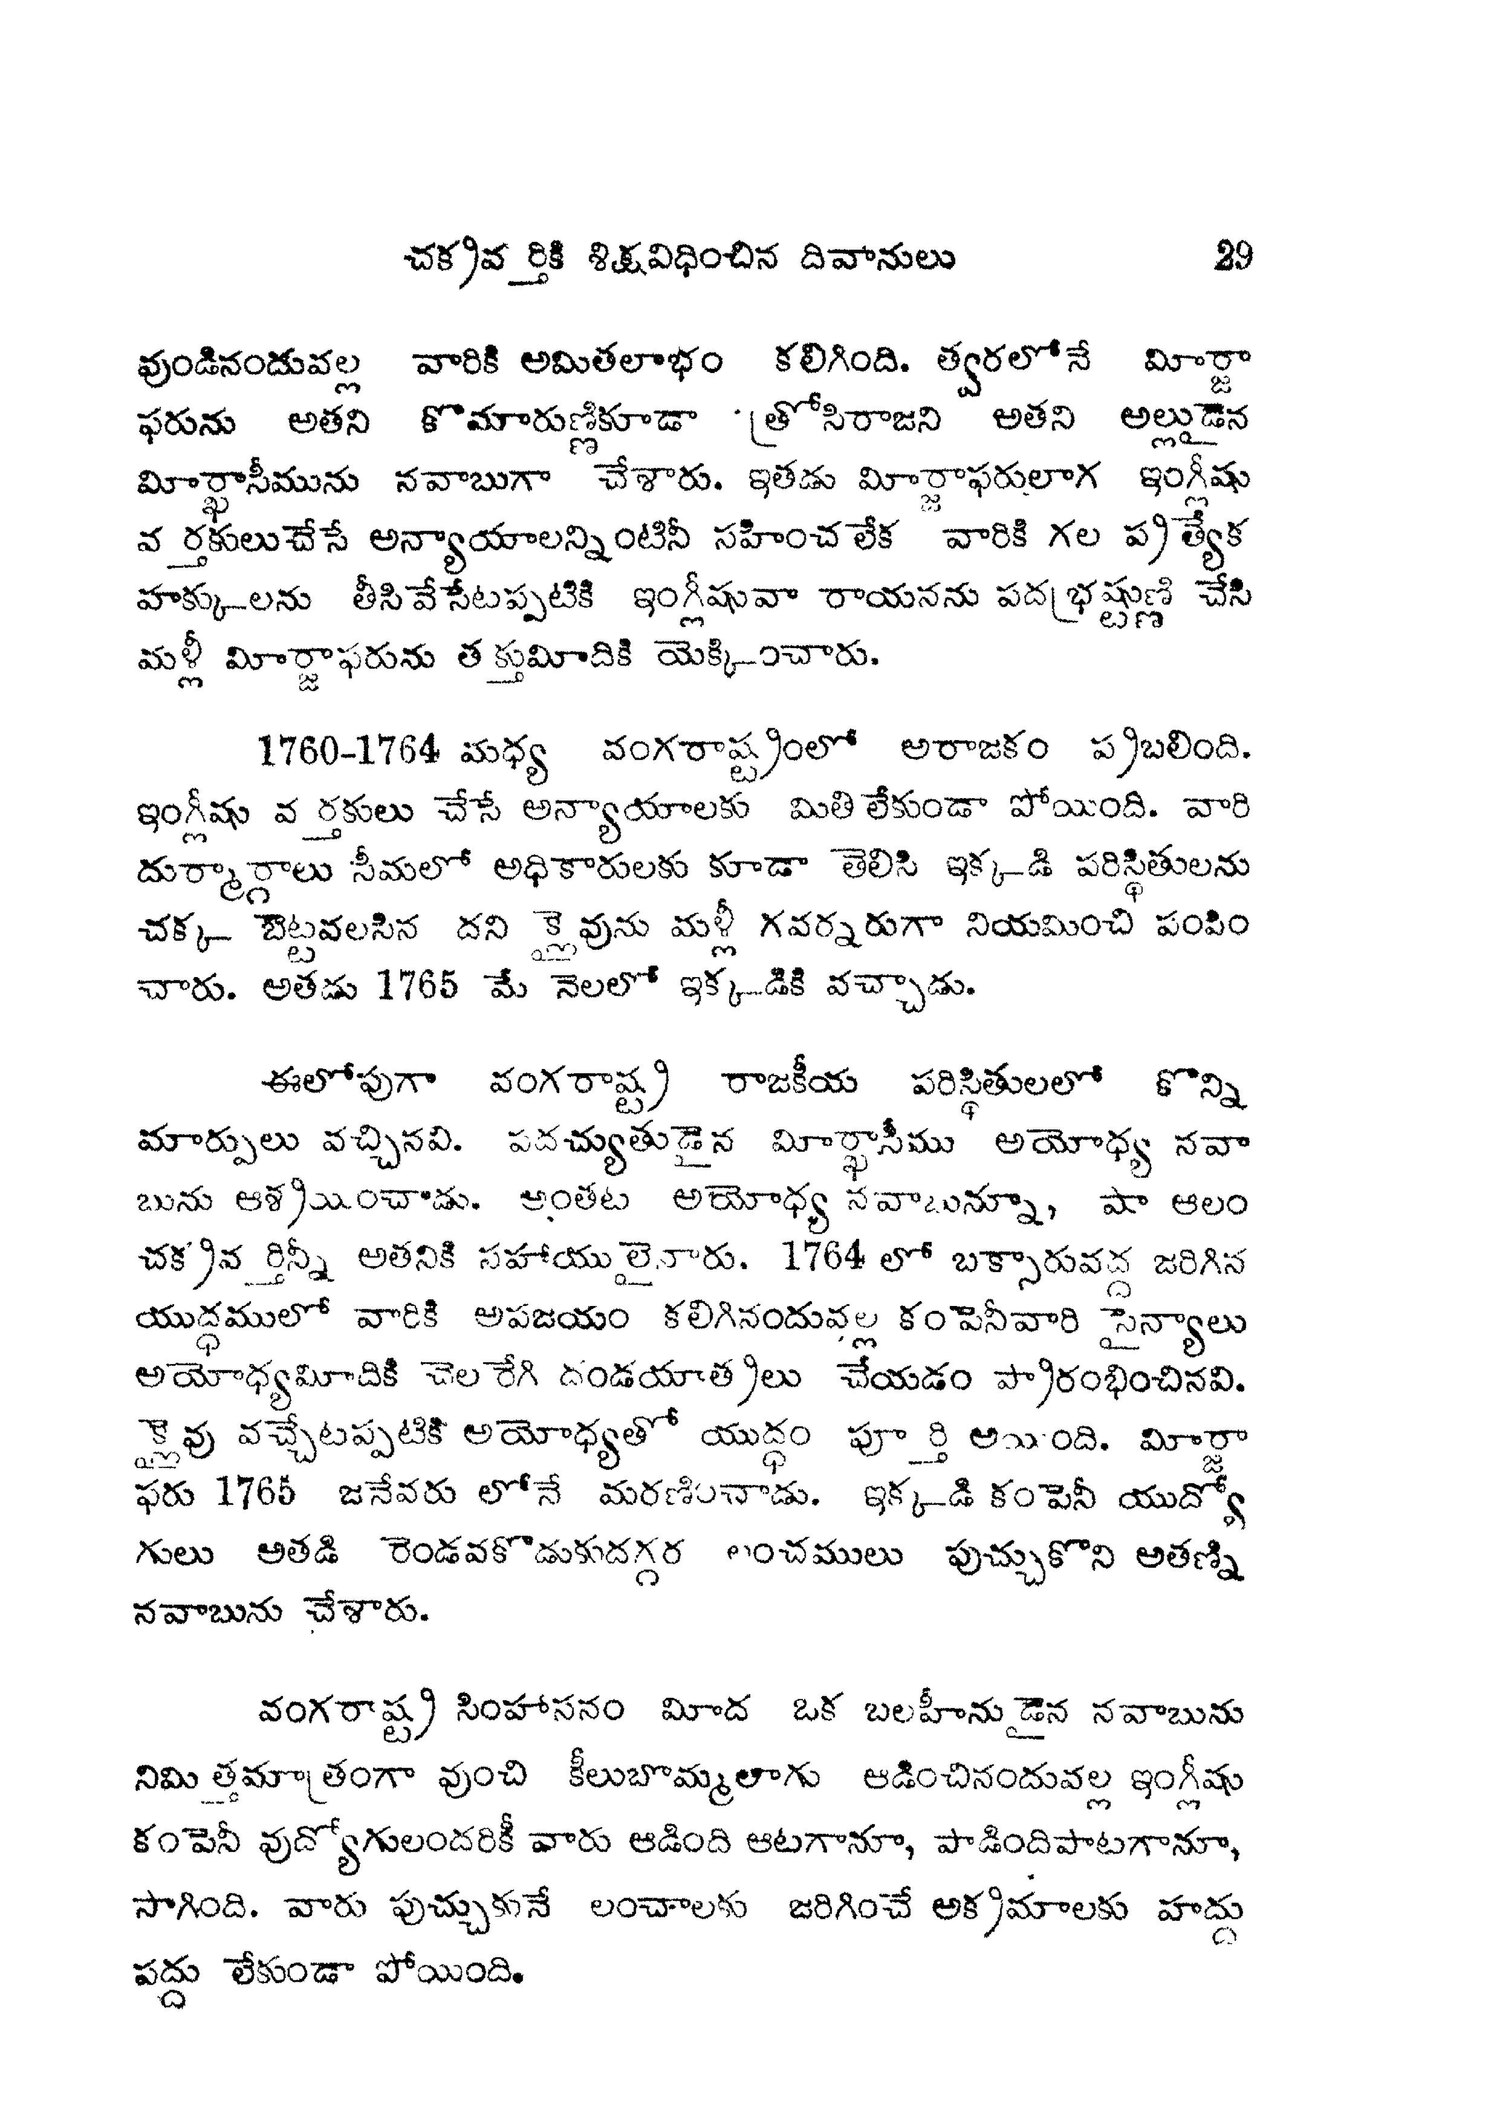వుండినందువల్ల వారికి అమితలాభం కలిగించి. త్వరలోనే మీర్జాఫరును అతని కొమారుణ్ణికూడా త్రోసిరాజని అతని అల్లుడైన మీర్జాసీమమును నవాబుగా చేశారు. ఇతడు మీర్ఝాఫరులాగ ఇంగ్లీషు వర్తకులుచేసే అన్యాయాలన్నింటినీ సహించలేక వారికి గల ప్రత్యేక హక్కులను తీసివేసేటప్పటికి ఇంగ్లీషు వారాయనను పదభ్రష్టుణ్ణి చేసి మళ్లీ మీర్జాఫరును తక్తుమీదికి యెక్కీంచారు.

1760-1764 మధ్య వంగరాష్ట్రంలో అరాజకం ప్రబలింది. ఇంగ్లీషు వర్తకులు చేసే అన్యాయాలకు మితిలేకుండా పోయించి. వారి దుర్మార్గాలు సీమలో అధికారులకు కూడా తెలిసి ఇక్కది పరిస్థితులను చక్క బెట్టవలసిన దని క్లైవును మళ్లీ గవర్నరుగా నియమించి పంపించారు. అతడు 1765 మే నెలలో ఇక్కడికి వచ్చాడు.

ఈలోపుగా వంగరాష్ట్ర రాజకీయ పరిస్థితులలో కొన్ని మార్పులు వచ్చినవి. పదచ్యుతుడైన మీర్జాసీము అయోధ్య నవాబును ఆశ్రయించాడు. అంతట అయోధ్య నవాబున్నూ, షా ఆలం చక్రవర్తిన్నిఈ అతనికి సహాయులైనవారు. 1764 లో బక్సారువద్ద జరిగిన యుద్ధములో వారికి అపజయం కలిగినందువల్ల కంపెనీవారి సైన్యాలు అయోధ్యమీదికి చెలరేగి దండయాత్రలు చేయడం ప్రారంభించినవి. క్లైవు వచ్చేటప్పటికి అయోధ్యలో యుద్ధం పూర్తి అయింది. మీర్జాఫరు 1765 జనేవరు లోనే మరణించాడు.ఇక్కడి కంపెనీ యుద్యోగులు అతడి రెండవకొడుకుదగ్గర లంచములు పుచ్చుకొని అతణ్ని నవాబును చేశారు.

వంగరాష్ట్ర సింహాసనం మీద ఓక బలహీనమైన నవాబును నిమిత్తమాత్రంగా వుంచి కీలుబొమ్మలాగు ఆడించినందువల్ల ఇంగ్లీషు కంపెనీ వుద్యోగులందరికీ వారు ఆడింది ఆటగానూ, పాడిందిపాటగానూ, సాగింది. వారు పుచ్చుకునే లంచాలకు జరిగించే అక్రమాలకు హద్దు పద్దు లేకుండా పోయింది.